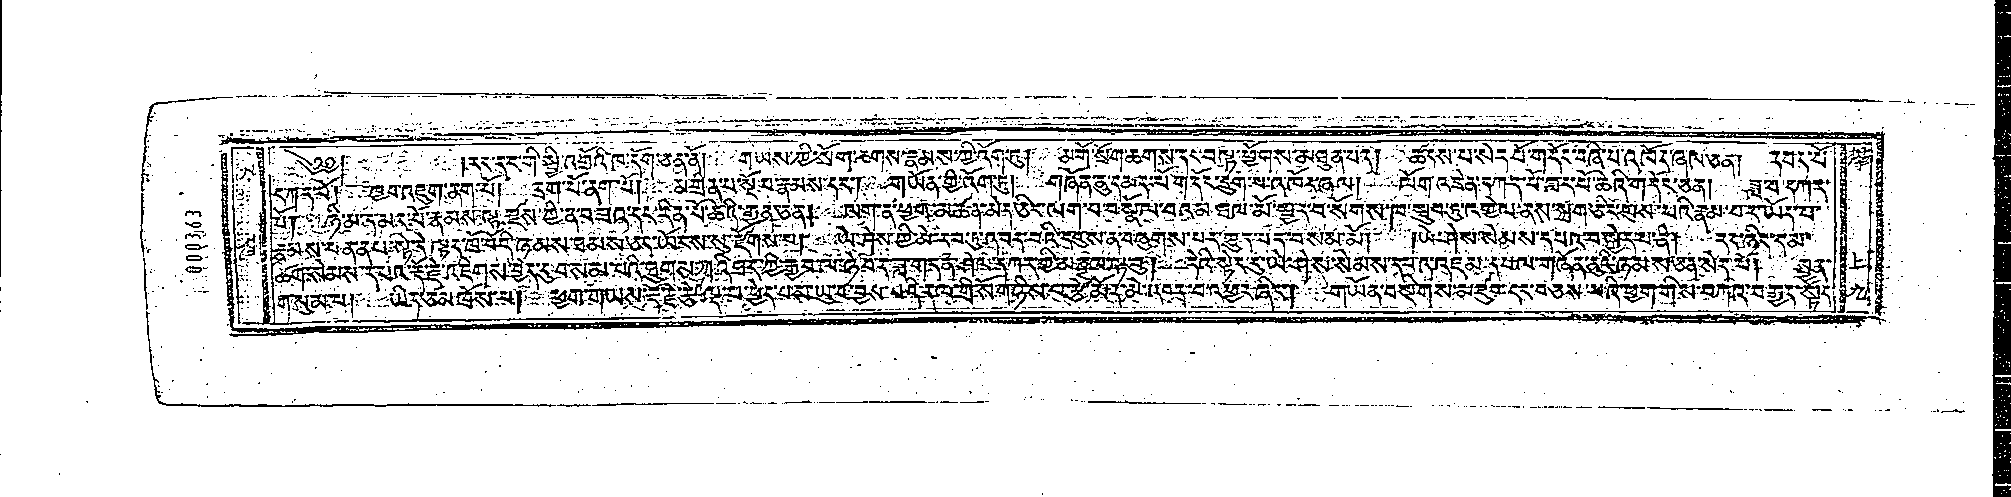༄༅། །རང་རང་གི་སྤྱི་འགྲོའི་ཁ་དོག་ཅན་ནོ། གཡས་ཀྱི་སྲོག་ཆགས་རྣམས་ཀྱི་འོག་ཏུ། མགོ་སྲོག་ཆགས་དང་བལྟ་ཕྱོགས་མཐུན་པར། ཚངས་པ་སེར་པོ་གདོང་བཞི་པ་འཁོར་ཞལ་ཅན། དབང་པོ་
དཀར་པོ། ཁྱབ་འཇུག་ནག་པོ། དྲག་པོ་ནག་པོ། མགྲིན་པ་སྔོ་བ་རྣམས་དང་། གཡོན་གྱི་འོག་ཏུ། གཞོན་ནུ་དམར་པོ་གདོང་དྲུག་པ་འཁོར་ཞལ། ལོག་འདྲེན་དཀར་པོ་གླང་པོ་ཆེའི་གདོང་ཅན། ཟླ་བ་དཀར་
པོ། ཉི་མ་དམར་པོ་རྣམས་ལྷ་རྫས་ཀྱི་ན་བཟའ་དང་རིན་པོ་ཆེའི་རྒྱན་ཅན། ལག་ན་ཕྱག་མཚན་མེད་ཅིང་ལག་པ་བསྣོལ་བའམ་ཐལ་མོ་སྦྱར་བ་སོགས་ཁ་སྦུབ་ཏུ་འགྱེལ་ནས་སྐྲག་ཅིང་གུས་པའི་རྣམ་པར་ཡོད་པ་
རྣམས་པ་ནན་པ་སྟེ་དེ་ལྟར་ཁྲོ་བོའི་ཉམས་ཐམས་ཅད་ཡོངས་སུ་རྫོགས་པ། ཡེ་ཤེས་ཀྱི་མེ་རབ་ཏུ་འབར་བའི་དབུས་ན་བཞུགས་པར་གྱུར་པར་བསམ་མོ། །ཡེ་ཤེས་སེམས་དཔའ་བསྐྱེད་པ་ནི། རང་ཉིད་དམ་
ཚོག་སེམས་དཔའ་རྡོ་རྗེ་འཇིགས་བྱེད་དུ་བསམ་པའི་ཐུགས་ཀའི་ཐད་ཀྱི་རྒྱབ་ལ་ཉེ་བར་ཟླ་གདན་ཤེལ་དཀར་གྱི་མཎྜལ་ལྟ་བུ། དེའི་སྟེང་དུ་ཡེ་ཤེས་སེམས་དཔའ་འཇམ་དཔལ་གཞོན་ནུའི་ཉམས་ཅན་སེར་པོ། སྤྱན་
གསུམ་པ། ཡིད་ཙམ་ཁྲོས་པ། ཕྱག་གཡས་རྡོ་རྗེ་རྩེ་ལྔ་པ་ཕྱེད་པས་ཡུ་བ་བྱས་པའི་རལ་གྲི་སོ་གཉིས་པ་རྩེ་མོར་མེ་འབར་བ་འཕྱར་ཞིང་། གཡོན་བསྡིགས་མཛུབ་དང་བཅས་པའི་ཕྱག་གིས་བཀའ་བརྒྱད་སྟོང་